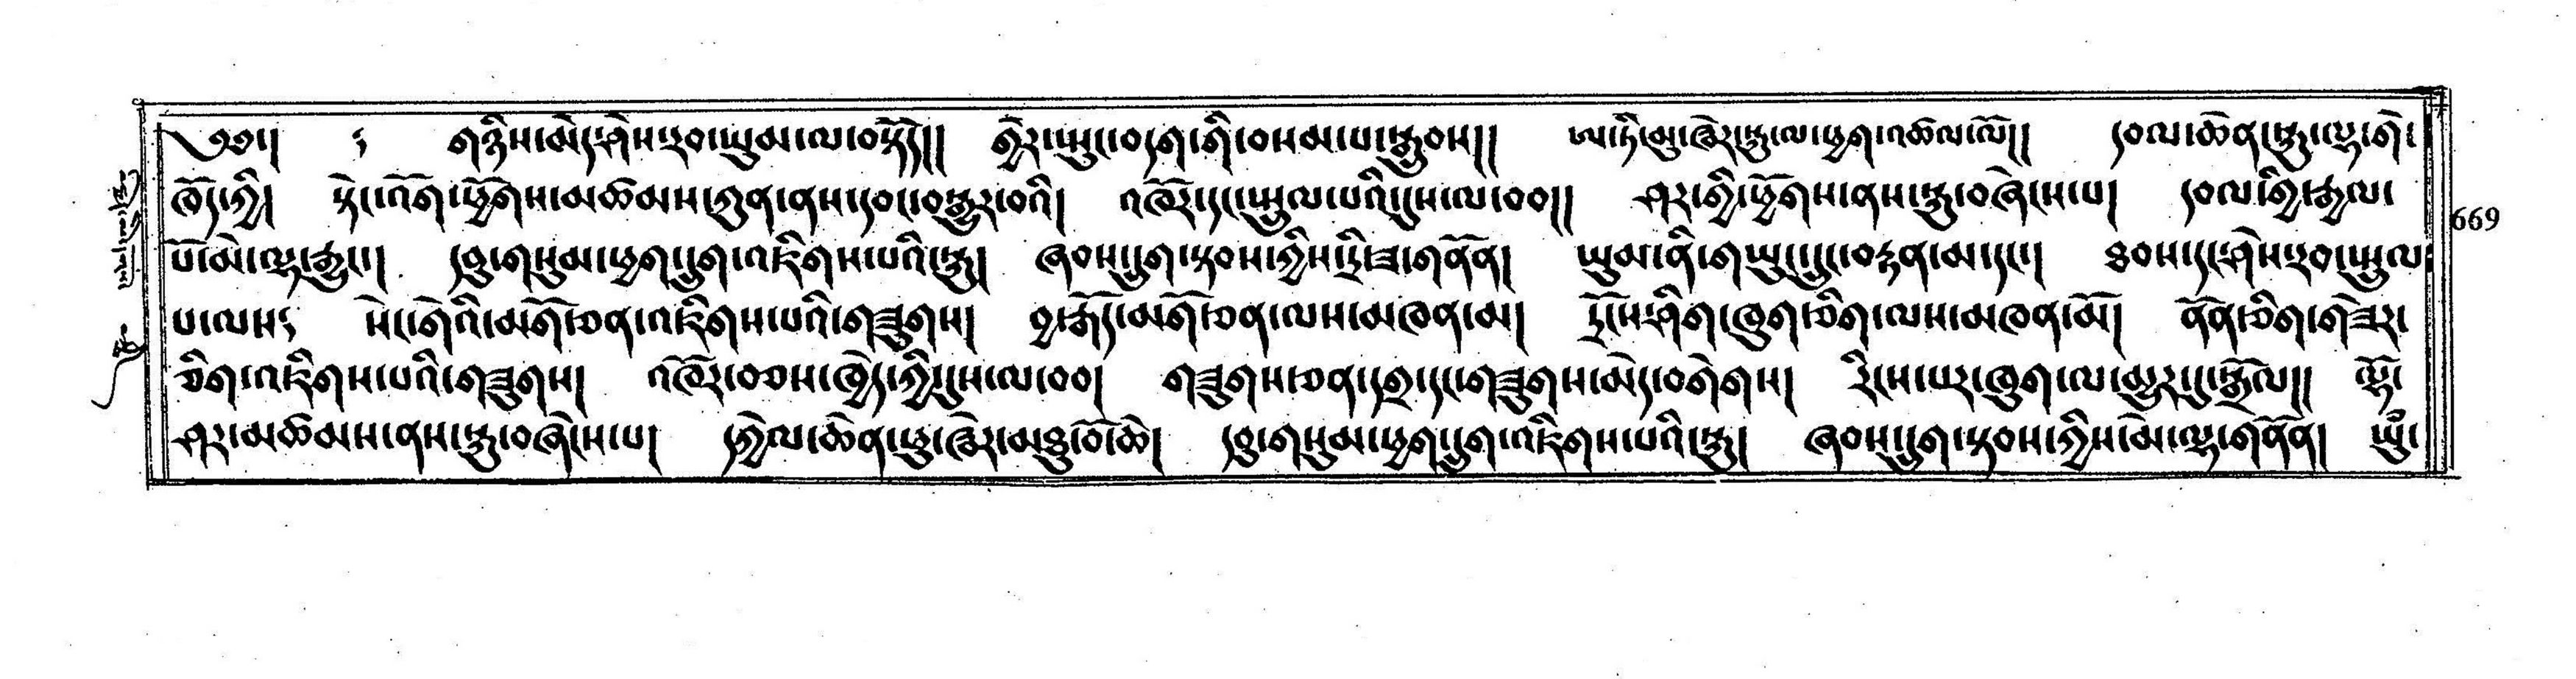གཉིས་མེད་ཤེས་རབ་ཡུམ་ལ་བསྟོད།། གྱེར་སྤུང་བདག་གི་བསམ་པ་སྒྲུབས།། ཨ་ཏི་མུ་ཝེར་སྐུ་ལ་ཕྱག་འཚལ་ལོ།། དབལ་ཆེན་སྐུ་ལྷ་གེ་
ཁོད་ཀྱི། སྟེང་འོག་ཕྱོགས་མཚམས་ཀུན་ནས་དབང་བསྒྱུར་བའི། འཁོར་དང་སྤྲུལ་པའི་དུས་ལ་བབ།། ཤར་གྱི་ཕྱོགས་ནས་སྐུ་བཞེངས་པ། དབལ་གྱི་རྒྱལ་
པོ་མེ་ལྷ་རྒྱུང་། དབུ་གསུམ་ཕྱག་དྲུག་འཇིགས་པའི་སྐུ། ཞབས་དྲུག་སྟབས་ཀྱིས་དྲི་ཟ་གནོན། ཡུམ་ནི་གཡུང་དྲུང་བརྟན་མ་དང་། ཐབས་དང་ཤེས་རབ་སྤྲུལ་
པ་ལས། སེང་གེའི་མགོ་ཅན་འཇིགས་པའི་གཟུགས། བྱ་རྒོད་མགོ་ཅན་ལས་མཁན་མ། དྲོངས་ཤིག་ཁུག་ཅིག་ལས་མཁན་མོ། ནོན་ཅིག་གཟེར་
ཅིག་འཇིགས་པའི་གཟུགས། འཁོར་བཅས་ཁྱེད་ཀྱི་དུས་ལ་བབ། གཟུགས་ཅན་དགྲ་དང་གཟུགས་མེད་བགེགས། རིངས་པར་ཁུག་ལ་མྱུར་དུ་སྒྲོལ།། ལྷོ་
ཤར་མཚམས་ནས་སྐུ་བཞེངས་པ། དཀྱེལ་ཆེན་ཕུ་ཝེར་མཐུ་བོ་ཆེ། དབུ་གསུམ་ཕྱག་དྲུག་འཇིགས་པའི་སྐུ། ཞབས་དྲུག་སྟབས་ཀྱིས་མེ་ལྷ་གནོན། ཡུམ་